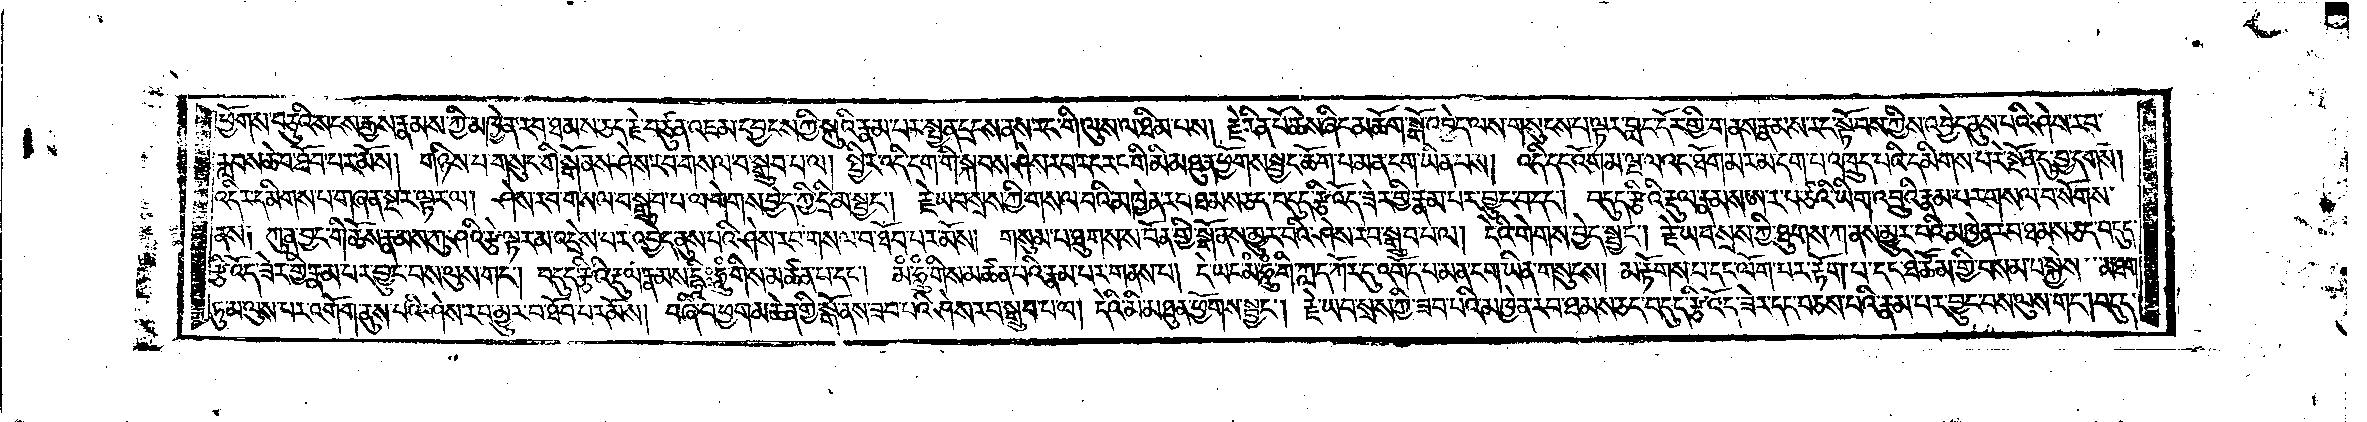ཕྱོགས་བཅུའི་སངས་རྒྱས་རྣམས་ཀྱི་མཁྱེན་རབ་ཐམས་ཅད་རྗེ་བཙུན་འཇམ་དབྱངས་ཀྱི་སྐུའི་རྣམ་པར་སྤྱན་དྲངས་ནས་རང་གི་ལུས་ལ་ཐིམ་པས། རྗེ་རིན་པོ་ཆེས་ཞིང་མཆོག་སྒོ་འབྱེད་ལས་གསུངས་པ་ལྟར་བླང་དོར་གྱི་གནས་རྣམས་རང་སྟོབས་ཀྱིས་འབྱེད་ནུས་པའི་ཤེས་རབ་
རླབས་ཆེ་བ་ཐོབ་པར་མོས། གཉིས་པ་གསུང་གི་སྒོ་ནས་ཤེས་རབ་གསལ་བ་སྒྲུབ་པ་ལ། སྤྱིར་འདི་དག་གི་སྐབས་ཤེས་རབ་རང་རང་གི་མི་མཐུན་ཕྱོགས་སྦྱང་ཆོག་པ་མན་ངག་ཡིན་པས། འདི་དང་འོག་མ་ལའང་ཐོག་མར་མ་དག་པ་འཁྲུད་པའི་དམིགས་པ་རེ་སྔོན་དུ་བྱ་དགོས།
འདིར་དམིགས་པ་གཞན་སྔར་ལྟར་ལ། ཤེས་རབ་གསལ་བ་སྒྲུབ་པ་ལ་གེགས་བྱེད་ཀྱི་དྲི་མ་སྦྱང་། རྗེ་ཡབ་སྲས་ཀྱི་གསལ་བའི་མཁྱེན་རབ་ཐམས་ཅད་བདུད་རྩི་འོད་ཟེར་གྱི་རྣམ་པར་བྱུང་བས་དང་། {ལུས་དགར}་?་བདུད་རྩིའི་རྡུལ་རྣམས་ཨ་ར་པ་ཙའི་ཡིག་འབྲུའི་རྣམ་པར་གསལ་བ་སོགས་
ནས༑ ཀུན་བྱང་གི་ཆོས་རྣམས་ཀུ་ཤའི་རྩེ་ལྟར་མ་འདྲེས་པར་འབྱེད་ནུས་པའི་ཤེས་རབ་གསལ་བ་ཐོབ་པར་མོས། གསུམ་པ་ཐུགས་ས་བོན་གྱི་སྒོ་ནས་མྱུར་བའི་ཤེས་རབ་སྒྲུབ་པ་ལ། དེའི་གེགས་བྱེད་སྦྱང་། རྗེ་ཡབ་སྲས་ཀྱི་ཐུགས་ཀ་ནས་མྱུར་བའི་མཁྱེན་རབ་ཐམས་ཅད་བདུད་
ཙི་འོད་ཟེར་གྱི་རྣམ་པར་བྱུང་བས་ལུས་གང་། བདུད་རྩིའི་རྡུལ་རྣམས་དྷཱིཿ ཧཱུཾ་གིས་མཚན་པ་དང་། མཾ་ཧཱུཾ་གིས་མཚན་པའི་རྣམ་པར་གནས་པ། དེ་ཡང་མཾ་ཧཱུཾ་གི་ཀླད་ཀོར་དུ་འགོད་པ་མན་ངག་ཡིན་གསུངས། མ་རྟོགས་པ་དང་ལོག་པར་རྟོག་པ་དང་ཐེ་ཚོམ་གྱི་བསམ་པ་སྐྱེས་མ་ཐག་
ཏུ་མ་ལུས་པར་འགོག་ནུས་པའི་ཤེས་རབ་མྱུར་བ་ཐོབ་པར་མོས། བཞི་པ་ཕྱག་མཚན་གྱི་སྒོ་ནས་ཟབ་པའི་ཤེས་རབ་སྒྲུབ་པ་ལ། དེའི་མི་མཐུན་ཕྱོགས་སྦྱང་། རྗེ་ཡབ་སྲས་ཀྱི་ཟབ་པའི་མཁྱེན་རབ་ཐམས་ཅད་བདུད་རྩི་འོད་ཟེར་དང་བཅས་པའི་རྣམ་པར་བྱུང་བས་ལུས་གང་། བདུད་